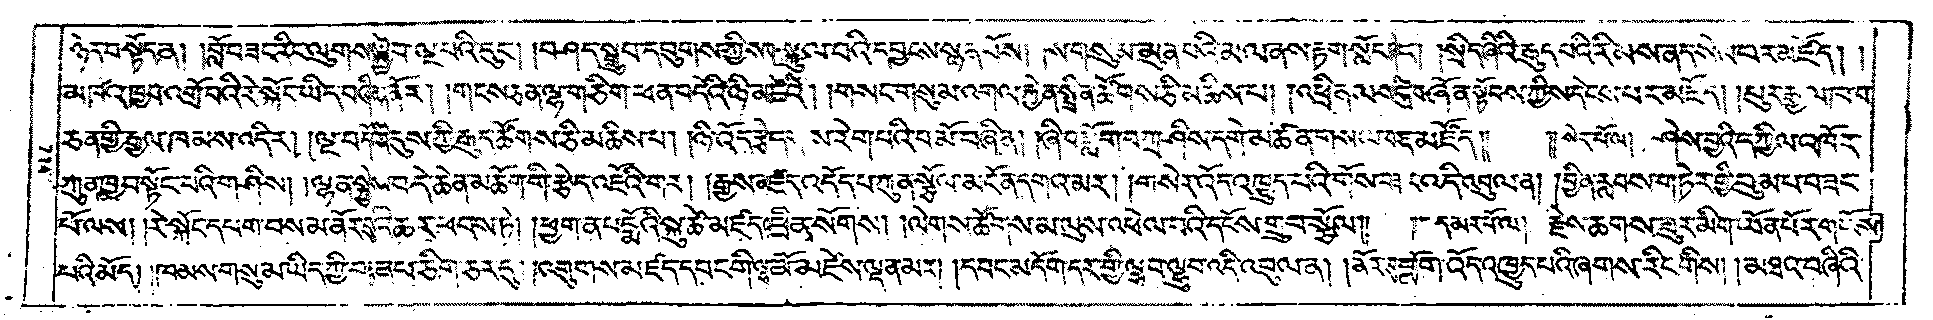ཉེར་བསྟོད་ན། །བློ་བཟང་རིང་ལུགས་སྐྱེ་བ་ལྔ་པའི་དུང་། །བཤད་སྒྲུབ་དབུགས་ཀྱིས་བསྐུལ་བའི་དབྱངས་སྙན་པོས། །ས་གསུམ་མུན་པའི་མལ་ནས་རྟག་སློང་ཞིང་། །སྲིད་ཞིའི་རྒུད་པའི་རིམས་ནད་སེལ་བར་མཛོད། །
མཁའ་ཁྱབ་འགྲོ་བའི་རེ་སྐོང་ཡིད་བཞིན་ནོར། །གངས་ཅན་ལྷ་གཅིག་ཕན་བདེའི་ཉི་མ་ཆེའི། །གསང་གསུམ་འགལ་རྐྱེན་སྤྲིན་ཚོགས་ཅི་མཆིས་པ། །འཕྲིན་ལས་དྲི་བཞོན་སྟོབས་ཀྱིས་དེངས་པར་མཛོད། །པུར་རྒྱལ་ཁ་བ་
ཅན་གྱི་རྒྱལ་ཁམས་འདིར། །ལྔ་བདོའི་དུས་ཀྱི་རྒུད་ཚོགས་ཅི་མཆིས་པ། །ཉི་འོད་རྩེ་དགས་རེག་པའི་བ་མོ་བཞིན། །ཞི་བཟློག་བཀྲ་ཤིས་དགེ་མཚན་གསལ་བར་མཛོད།། །། སེར་པོ་ལ།  ཤེས་བྱའི་དཀྱིལ་འཁོར་
ཀུན་ཁྱབ་སྟོང་པའི་གཤིས། །ལྷན་སྐྱེས་བདེ་ཆེན་མཆོག་གི་རྩེད་འཇོའི་གར། །རྒྱས་མཛད་འདོད་པ་ཀུན་སྩོལ་མངོན་དགའ་མར། །གསེར་འོད་འཁྱུད་པའི་གོས་བཟང་འདི་འགུལ་ན། །བྱིན་རླབས་གཏེར་གྱི་བུམ་པ་བཟང་
པོ་ལས། །རེ་སྐོང་དཔག་བསམ་ནོར་བུའི་ཆར་ཕབས་ཏེ། །ཕྱག་ན་པདམོའི་སྐུ་ཚེ་མཛད་འཕྲིན་སོགས། །ལེགས་ཚོགས་མ་ལུས་འཕེལ་བའི་དངོས་གྲུབ་སྩོལ།། །།༧་དམར་པོ་ལ།  རྗེས་ཆགས་ཟུར་མིག་ཡོན་པོར་གཡོས་
པའི་མོད། །ཁམས་གསུམ་ཡིད་ཀྱི་བརྟན་པ་ཅིག་ཅར་དུ། །འགུགས་མཛད་དབང་གི་ལྷ་མོ་མཛེས་ལྡན་མར། །དབང་མདོག་དར་གྱི་ལྷབ་ལྷུབ་འདི་འབུལ་ན། །ནོར་བུ་གློག་འོད་འཁྱུད་པའི་ཞགས་རིང་གིས། །མཐའ་བཞིའི་